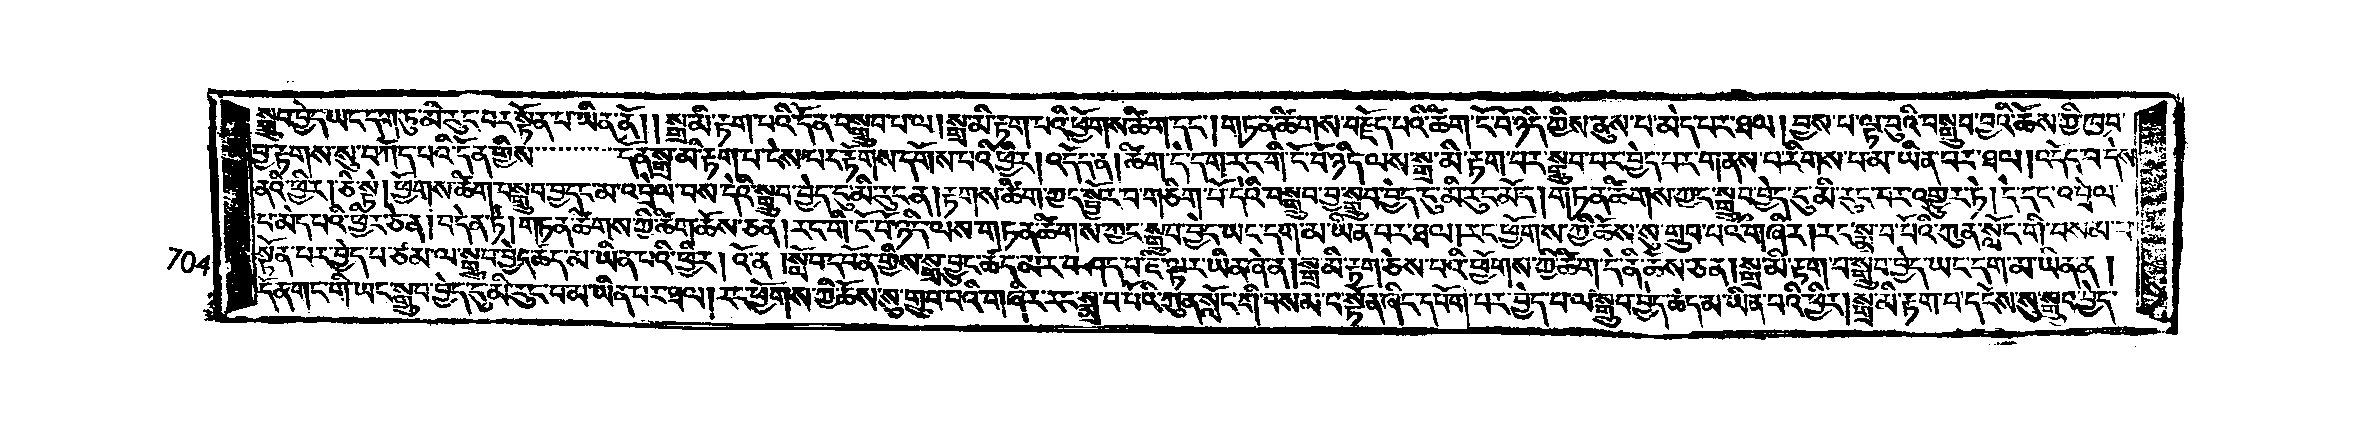སྒྲུབ་བྱེད་ཡང་དག་ཏུ་མི་རུང་བར་སྟོན་པ་ཡིན་ནོ། །སྒྲ་མི་རྟག་པའི་དོན་བསྒྲུབ་པ་ལ། སྒྲ་མི་རྟག་པའི་ཕྱོགས་ཚིག་དང་། གཏན་ཚིགས་བརྗོད་པའི་ཚིག་ངོ་བོ་ཉིད་ཀྱིས་ནུས་པ་མེད་པར་ཐལ། བྱས་པ་ལྟ་བུའི་བསྒྲུབ་བྱའི་ཆོས་ཀྱི་ཁྱབ་
བྱ་རྟགས་སུ་བཀོད་པའི་དོན་གྱིས་དོན་སྒྲ་མི་རྟག་པ་ངེས་པར་རྟོགས་དགོས་པའི་ཕྱིར། འདོད་ན། ཚིག་དེ་དག་རང་གི་ངོ་བོ་ཉིད་ལས་སྒྲ་མི་རྟག་པར་སྒྲུབ་པར་བྱེད་པར་གནས་པ་རིགས་པ་མ་ཡིན་པར་ཐལ། འདོད་པ་དེས་
ནའི་ཕྱིར་།ཅི་སྟེ། ཕྱོགས་ཚིག་བསྒྲུབ་བྱ་དང་མ་འབྲེལ་བས་དེའི་སྒྲུབ་བྱེད་དུ་མི་རུང་ན། རྟགས་ཚིག་ཀྱང་སྦྱོར་བ་གཅིག་པོ་དེའི་བསྒྲུབ་བྱ་སྒྲུབ་བྱེད་དུ་མི་རུང་མོད། གཏན་ཚིགས་ཀྱང་སྒྲུབ་བྱེད་དུ་མི་རུང་བར་འགྱུར་ཏེ། དེ་དང་འབྲེལ་
པ་མེད་པའི་ཕྱིར་ཅེ་ན། བདེན་ཏེ། གཏན་ཚིགས་ཀྱི་ཚིག་ཆོས་ཅན། རང་གི་ངོ་བོ་ཉིད་ལས་གཏན་ཚིགས་ཀྱང་སྒྲུབ་བྱེད་ཡང་དག་མ་ཡིན་པར་ཐལ། རང་ཕྱོགས་ཀྱི་ཆོས་སུ་གྲུབ་པའི་གཞིར། རང་སྨྲ་བ་པོའི་ཀུན་སློང་གི་བསམ་པ་
སྟོན་པར་བྱེད་པ་ཙམ་ལ་སྒྲུབ་བྱེད་ཚད་མ་ཡིན་པའི་ཕྱིར། འོ་ན་།སློབ་དཔོན་གྱིས་སླ་བྱུང་ཚད་མར་བཤད་པ་ཇི་ལྟར་ཡིན་ཞེ་ན། སྒྲ་མི་རྟག་ཅེས་པའི་ཕྱོགས་ཀྱི་ཚིག་དེ་ནི་ཆོས་ཅན། སྒྲ་མི་རྟག་པ་སྒྲུབ་བྱེད་ཡང་དག་མ་ཡིན་ན།
དོན་གང་གི་ཡང་སྒྲུབ་བྱེད་དུ་མི་རུང་བ་མ་ཡིན་པར་ཐལ། རང་ཕྱོགས་ཀྱི་ཆོས་སུ་གྲུབ་པའི་གཞིར་རང་སྨྲ་བ་པོའི་ཀུན་སློང་གི་བསམ་བ་སྟོན་ཞིང་དཔོག་པར་བྱེད་པ་ལ་སྒྲུབ་བྱེད་ཚད་མ་ཡིན་པའི་ཕྱིར། སྒྲ་མི་རྟག་པ་དངོས་སུ་སྒྲུབ་བྱེད་